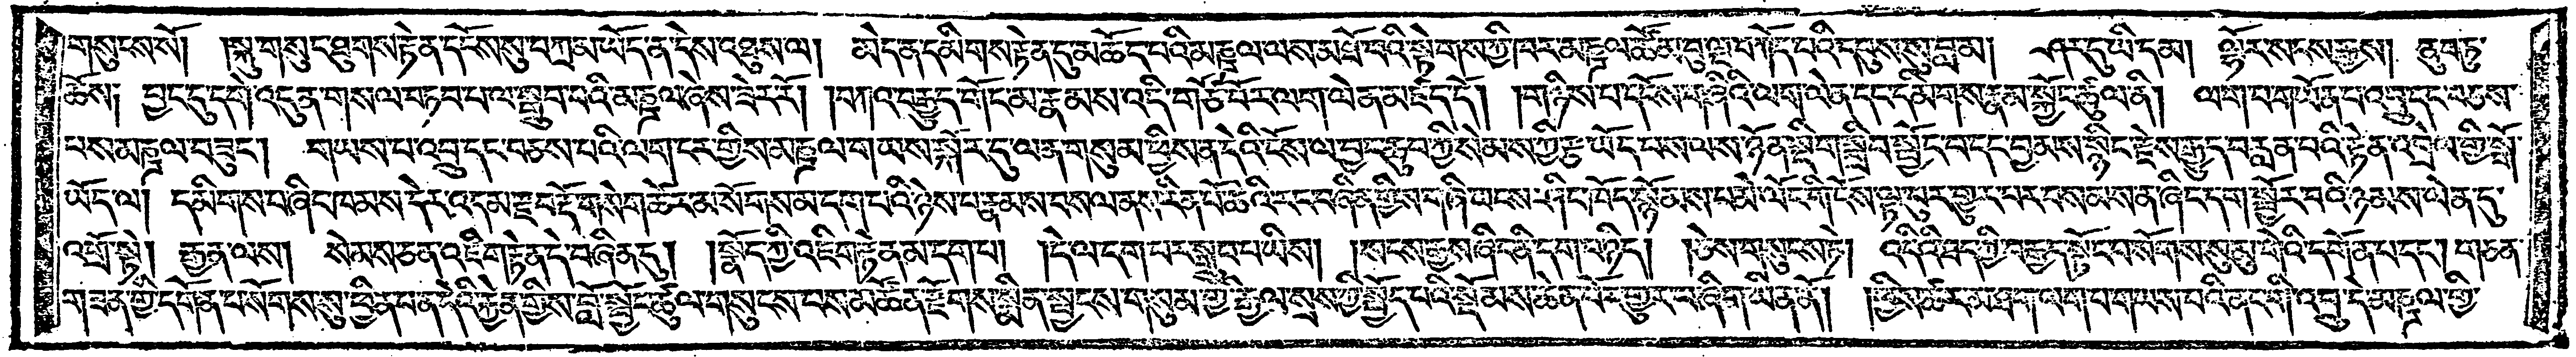གསུངས་སོ། །སྐུ་གསུང་ཐུགས་རྟེན་དངོས་སུ་བཀྲམ་ཡོད་ན་དེས་འཐུས་ལ། མེད་ན་དམིགས་རྟེན་དུ་མཆོད་པའི་མཎྜལ་ལས་མཐོ་བའི་སྟེགས་ཀྱི་ཁར་མཎྜལ་ཚོམ་བུ་ལྔ་བཀོད་པའི་དབུས་སུ་བླ་མ། ཤར་དུ་ཡི་དམ། ལྷོར་སངས་རྒྱས། ནུབ་ཏུ་
ཆོས། བྱང་དུ་དགེ་འདུན་གསལ་བཏབ་པ་ལ་སྒྲུབ་བའི་མཎྜལ་ཞེས་ཟེར་རོ། །བཀའ་བརྒྱུད་གོང་མ་རྣམས་འདི་གཙོ་བོར་ལག་ལེན་མཛད་དོ། །གཉིས་པ་དངོས་གཞིའི་ལག་ལེན་དང་དམིགས་རྣམ་སྐྱོང་ཚུལ་ནི། ལག་བ་གཡོན་པ་འབྲུ་དང་བཅས་
པས་མཎྜལ་བཟུང་། གཡས་པ་འབྲུ་དང་བཅས་པའི་ལག་ངར་གྱི་མཎྜལ་གཡས་སྐོར་དུ་ལན་གསུམ་ཕྱིས་ན་དེའི་ངོས་ལ་བྱང་ཆུབ་ཀྱི་སེམས་ཀྱི་རྩ་ཡོད་པས་ལས་ཉོན་སྡིག་སྒྲིབ་སྦྱོང་བ་དང་བྱམས་སྙིང་རྗེས་རྒྱུད་བརླན་བའི་རྟེན་འབྲེལ་གྱི་སྒོ་
ཡོད་ལ། དམིགས་བ་ཞིང་ཁམས་དེར་འདམ་རྫ་བརྡོ་གསེག་ཚེར་མ་སོགས་མ་དག་པའི་ཉེས་པ་རྣམས་བསལ་ནས་རིན་པོ་ཆེའི་རང་བཞིན་གྱིས་གཞི་ཡངས་ཤིང་ཁོད་སྙོམས་པ་མེ་ལོང་གི་ངོས་ལྟ་བུར་གྱུར་པར་བསམས་ན་ཞིང་དག་སྦྱོར་བའི་ཉམས་ལེན་དུ་
འགྲོ་སྟེ། རྒྱན་ལས། སེམས་ཅན་འཇིག་རྟེན་དེ་བཞིན་དུ། །སྣོད་ཀྱི་འཇིག་རྟེན་མ་དག་པ། །དེ་ལ་དག་པར་སྒྲུབ་པ་ཡིས། །སངས་རྒྱས་ཞིང་ནི་དག་པ་ཉིད། །ཅེས་གསུངས་ཏེ། འདིའི་ཐད་ཀྱི་བརྒྱད་སྟོང་པ་སོགས་སུ་མུ་གེའི་དགོན་པ་དང་། གཅན་
གཟན་གྱི་དགོན་པ་སོགས་སུ་ཕྱིན་པན་དེའི་རྐྱེན་གྱིས་བློ་སྦྱོང་ཚུལ་གསུངས་པས་མཚོན་རྫོགས་སྨིན་སྦྱངས་གསུམ་གྱི་རྒྱལ་སྲས་ཀྱི་སྤྱོད་པའི་སྡོམས་ཆེན་པོར་གྱུར་པ་ཞིག་ཡིན་ནོ། །ཕྱིས་ཚར་མ་ཐག་ལག་པ་གཡས་བའི་ནང་གི་འབྲུ་དེ་མཎྜལ་གྱི་